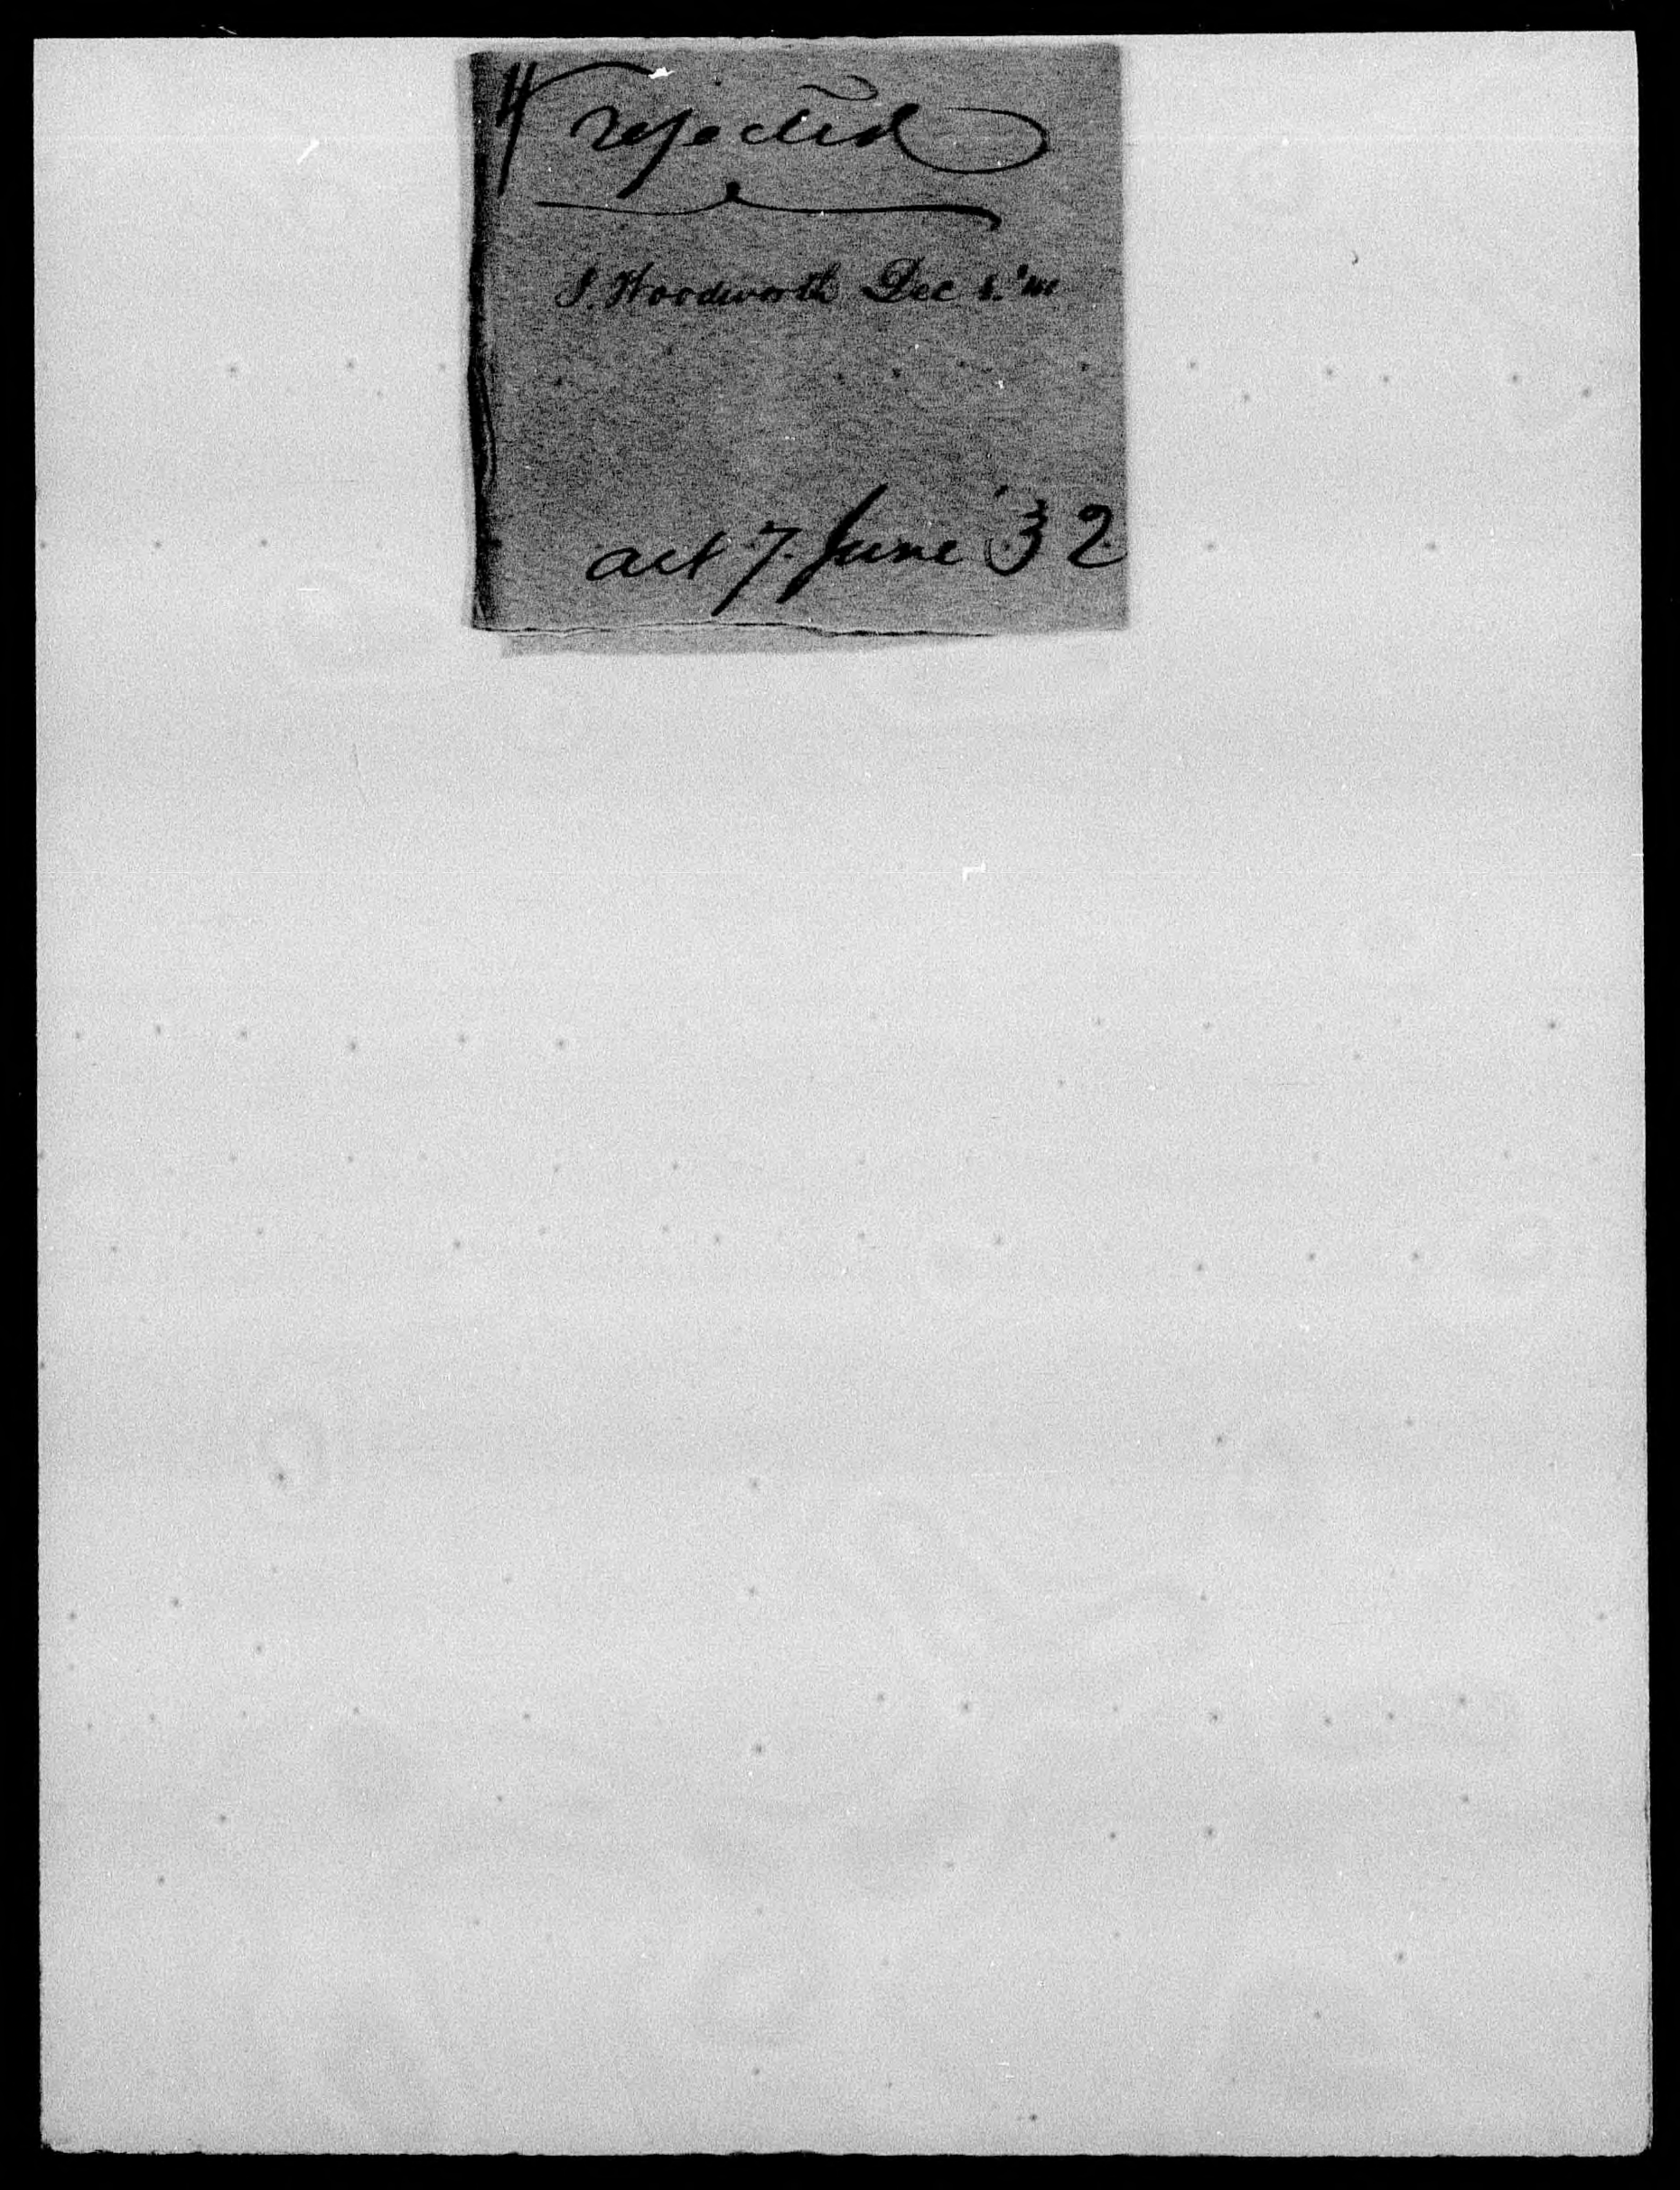rejected
J. Woodworth Dec 1. '41
Act 7.June '32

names: J Woodworth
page: 26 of 44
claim: survivor's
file: S. 23639, Jonathan Fowler, New York